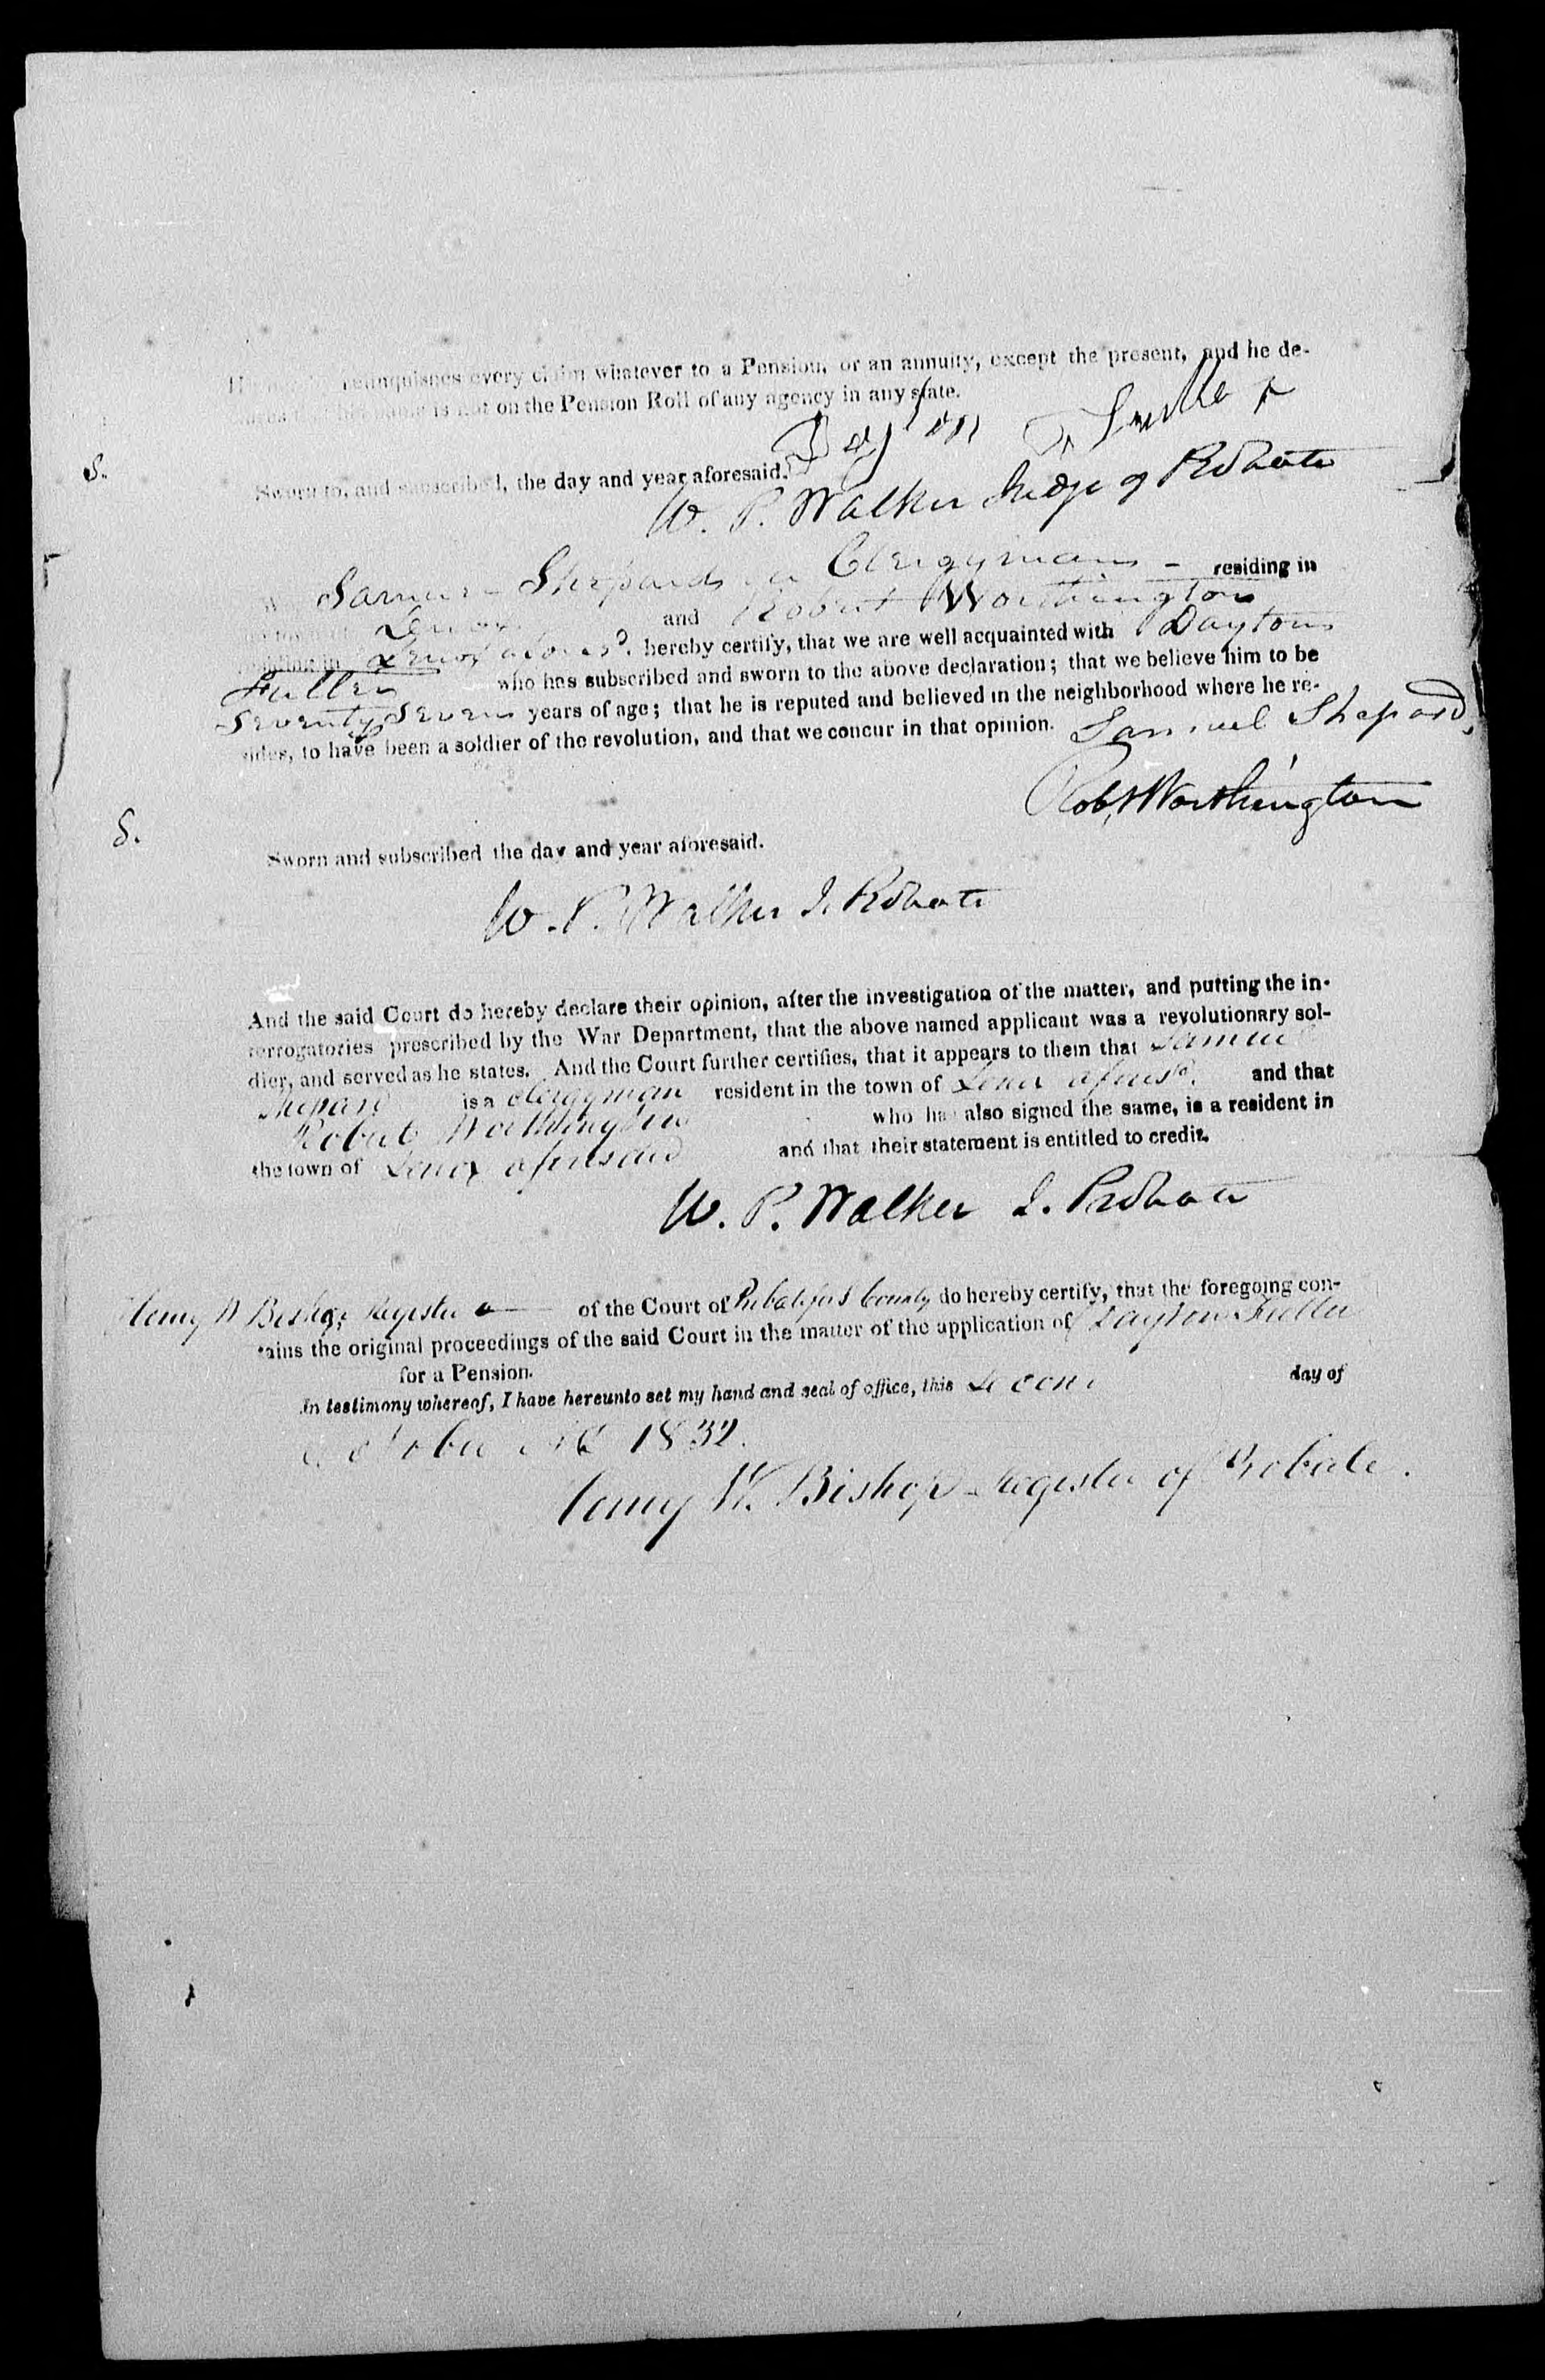He hereby relinquishes every claim whatever to a Pension or an annuity, except the present, and he declares [illegible] on the Pension Roll of any agency in any State.
Sworn to and subscribed, the day and year aforesaid.
Dayton O Fuller
W. P. Walker Judge of Probate
We Samuel Shepard a Clergyman - residing in [illegible] Lenox and Robert Worthington [illegible] Lenox aforesd. hereby certify, that we are well acquainted with Dayton Fuller who has subscribed and sworn to the above declaration; that we believe him to be Seventy seven years of age; that he is reputed and believed in the neighborhood where he resides, to have been a soldier of the revolution, and that we concur in that opinion.
Samuel Shepard,
Robt. Worthington
Sworn and subscribed the day and year aforesaid.
W. P. Walker J. Probate
And the said Court do hereby declare their opinion, after the investigation of the matter, and putting the interrogatories prescribed by the War Department, that the above named applicant was a revolutionary soldier, and served as he states. And the Court further certifies, that it appears to them that Samuel Shepard is a clergyman resident in the town of Lenox aforesd. and that Robert Worthington who has also signed the same, is a resident in the town of Lenox aforesaid and that their statement is entitled to credit.
W. P. Walker J. Probate
Henry W. Bishop Register of the Court of [illegible] County do hereby certify, that the foregoing contains the original proceedings of the said Court in the matter of the application of Dayton Fuller for a Pension. 
In testimony whereof, I have hereunto set my hand and seal of office, this second day of October [illegible] 1832
Henry W. Bishop Register of Probate.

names: Dayton Fuller, Samuel Shepard, Henry W Bishop, Dayton Fuller, W P Walker, Robt Worthington, Samuel Shepard, W P Walker, W P Walker, Dayton Fuller, Robert Worthington, Robert Worthington, Henry W Bishop, Samuel Shepard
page: 7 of 15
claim: survivor's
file: S. 29,166, Dayton Fuller, Conn.